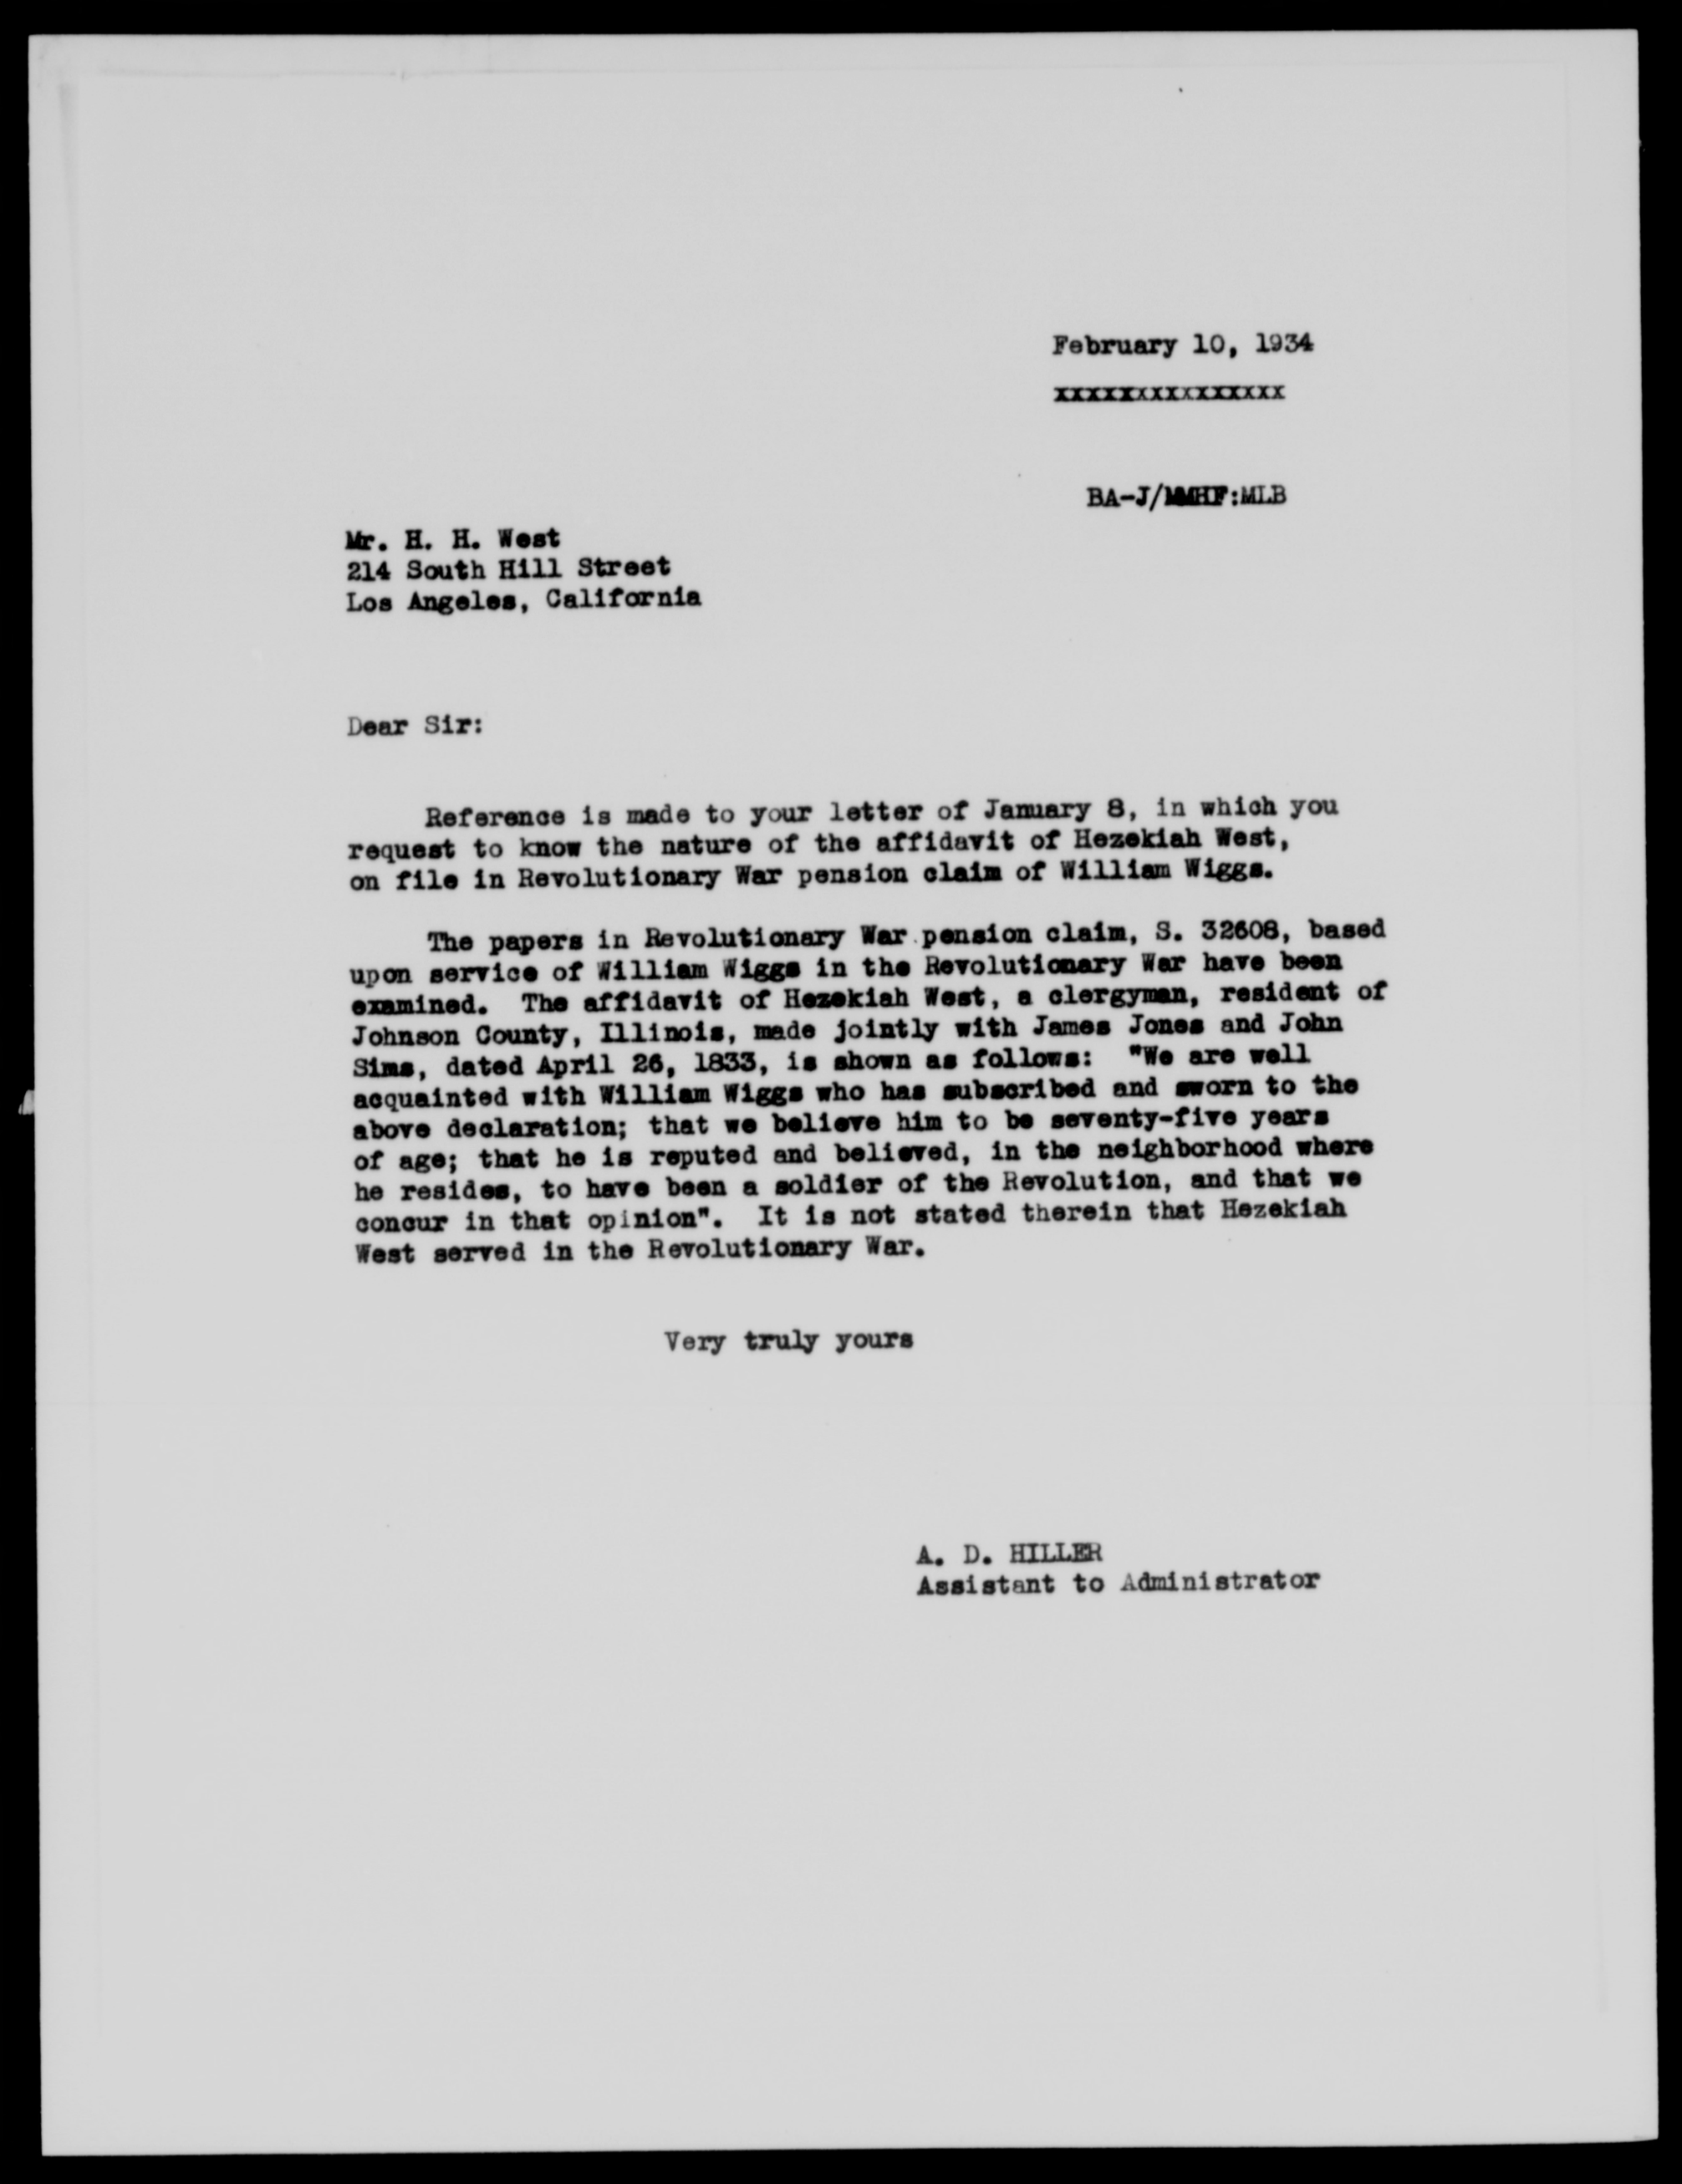February 10, 1934
XXXXXXXXXXXXXXX
BA-J/MMHF: MLB

Mr. H. H. West
214 South Hill Street
Los Angeles, California
Dear Sir:
Reference is made to your letter of January 8, in which you request to know the nature of the affidavit of Hezekiah West, on file in Revolutionary War pension claim of William Wiggs.

The papers in Revolutionary War pension claim, S. 32608, based upon service of William Wiggs in the Revolutionary War have been
examined. The affidavit of Hezekiah West, a clergyman, resident of Johnson County, Illinois, made jointly with James Jones and John
Sims, dated April 26, 1833, is shown as follows: "We are well acquainted with William Wiggs who has subscribed and sworn to the
above declaration; that we believe him to be seventy-five years of age; that he is reputed and believed, in the neighborhood where
he resides, to have been a soldier of the Revolution, and that we concur in that opinion. It is not stated therein that Hezekiah
West served in the Revolutionary War.

Very truly yours
A. D. HILLER
Assistant to Administrator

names: A D Hiller, John Sims, James Jones, William Wiggs, Hezekiah West, H H West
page: 29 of 31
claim: survivor's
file: S. 32608, William Wiggs, N.C.